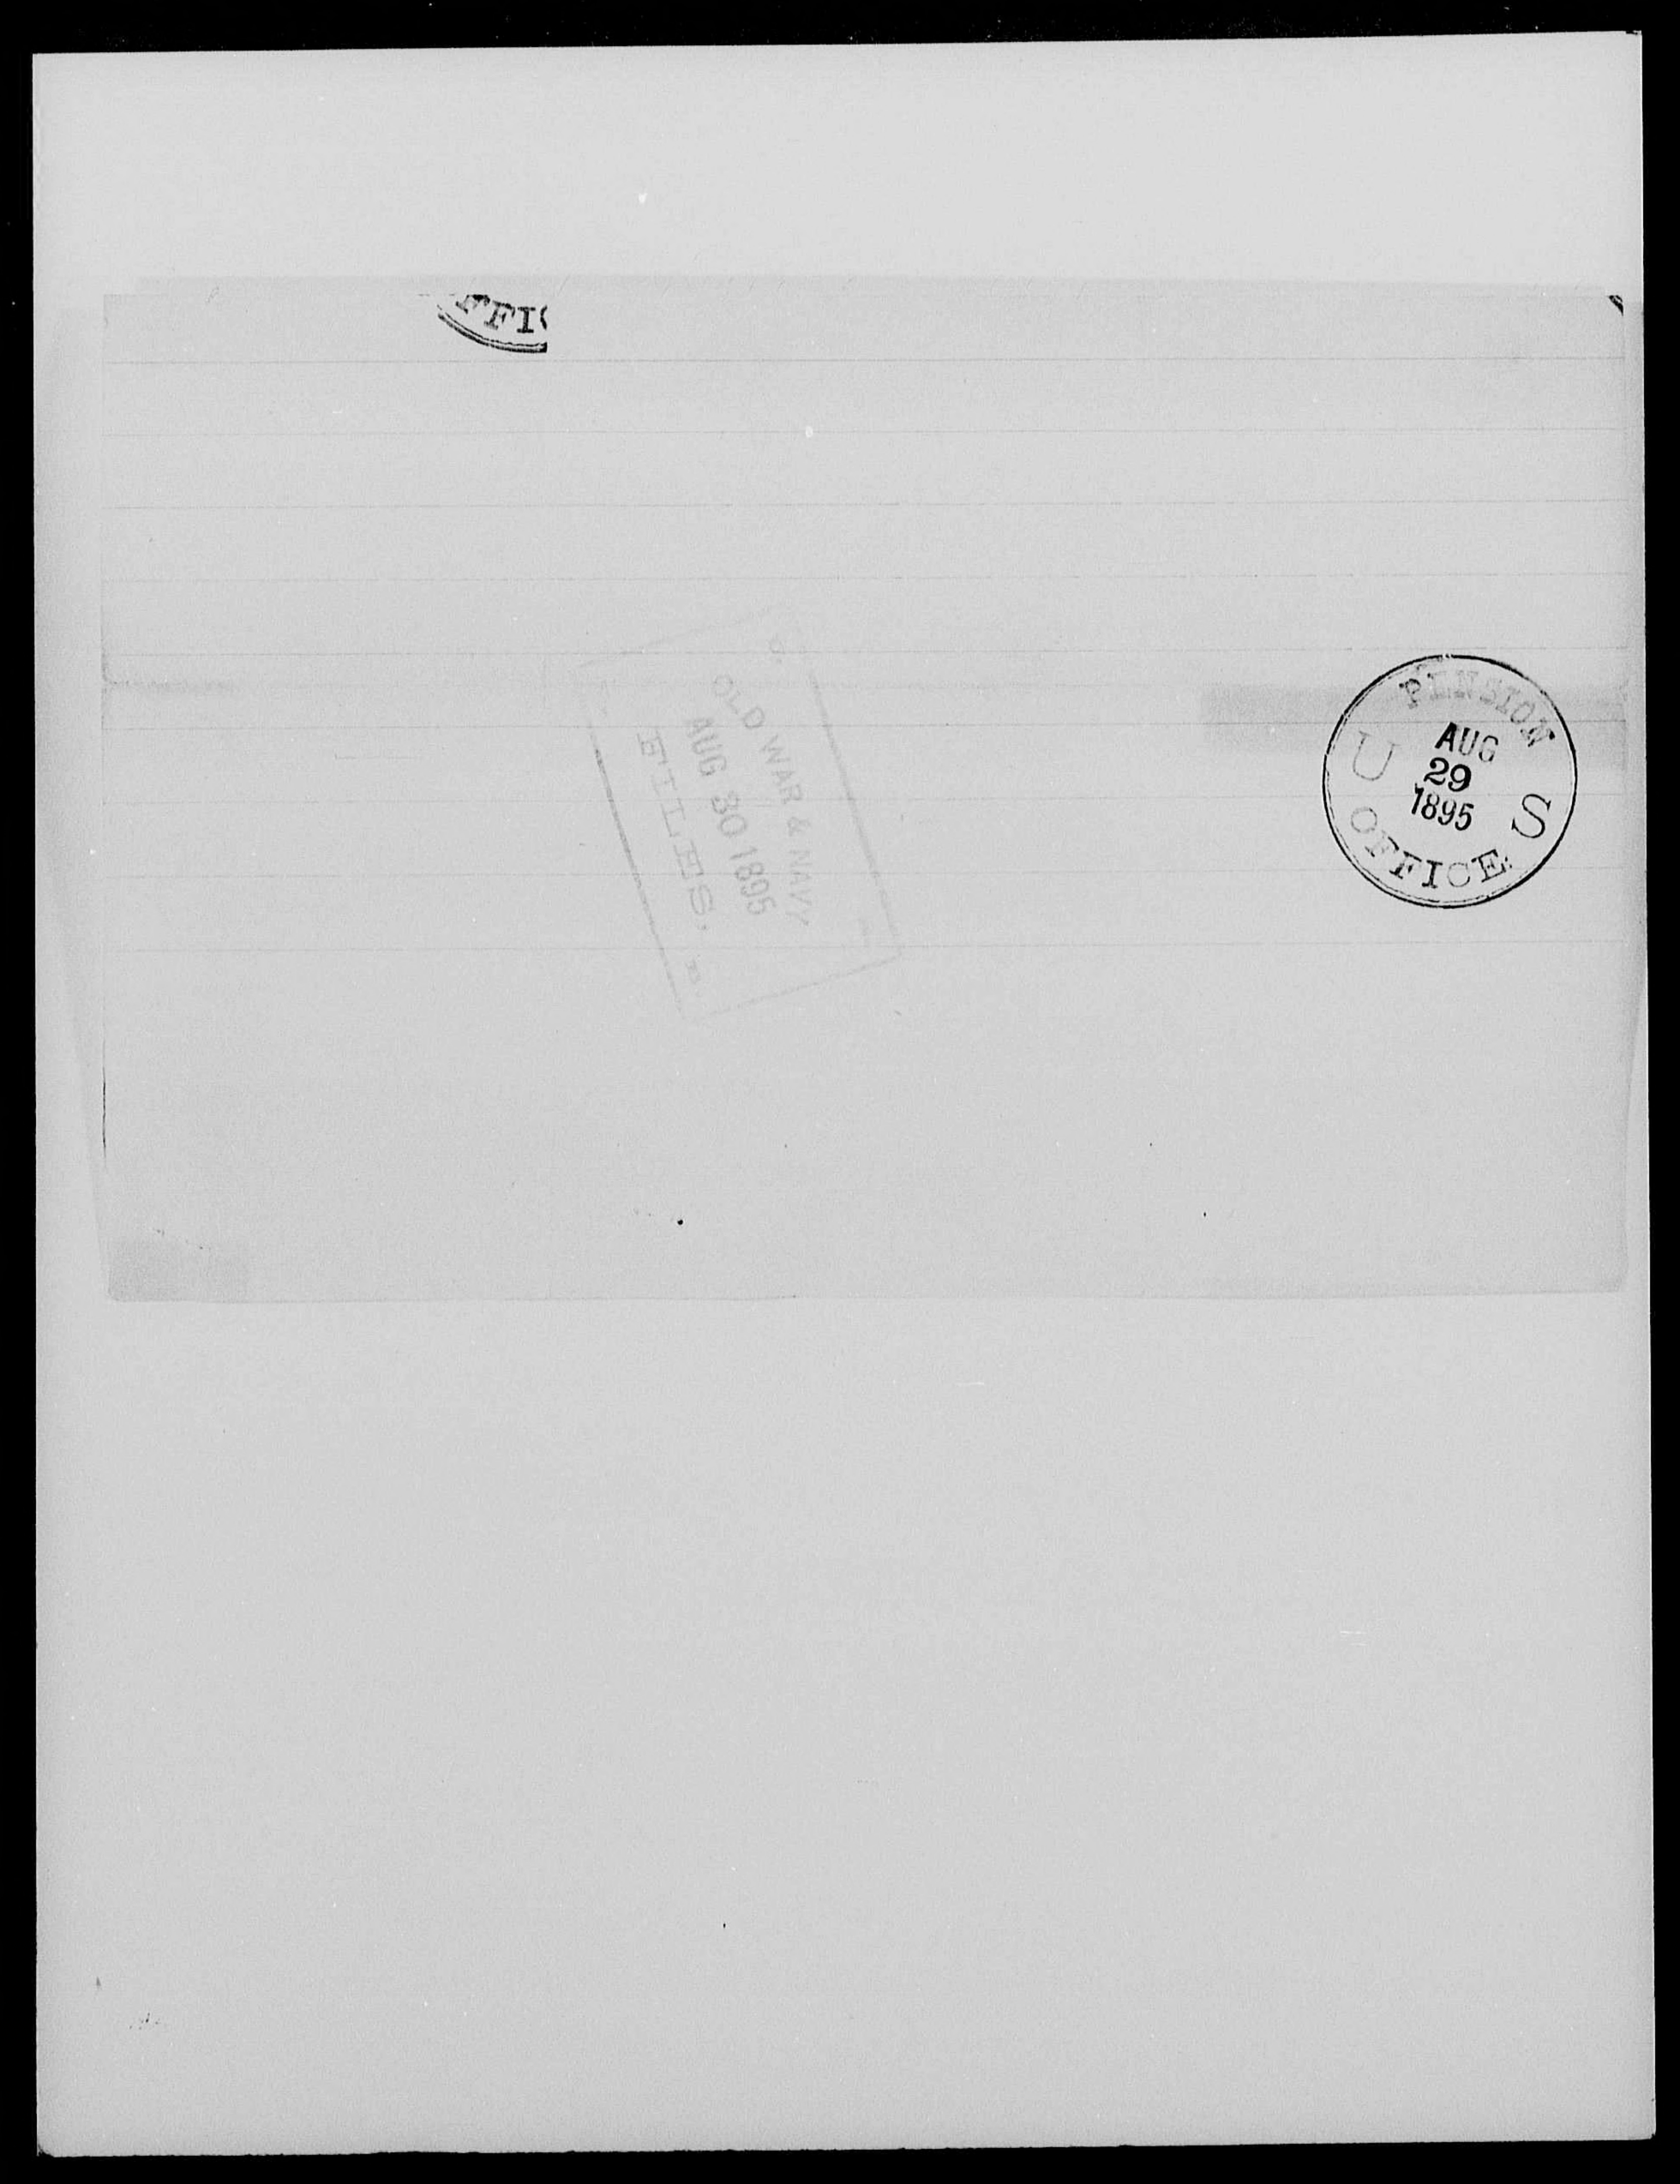[stamp] U S Pension Office Aug 29 1895
[stamp] U. S. P. B. Old War & Navy Files Aug 30 1895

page: 20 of 23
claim: survivor's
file: S. 12237, David Blanchard, N. H.